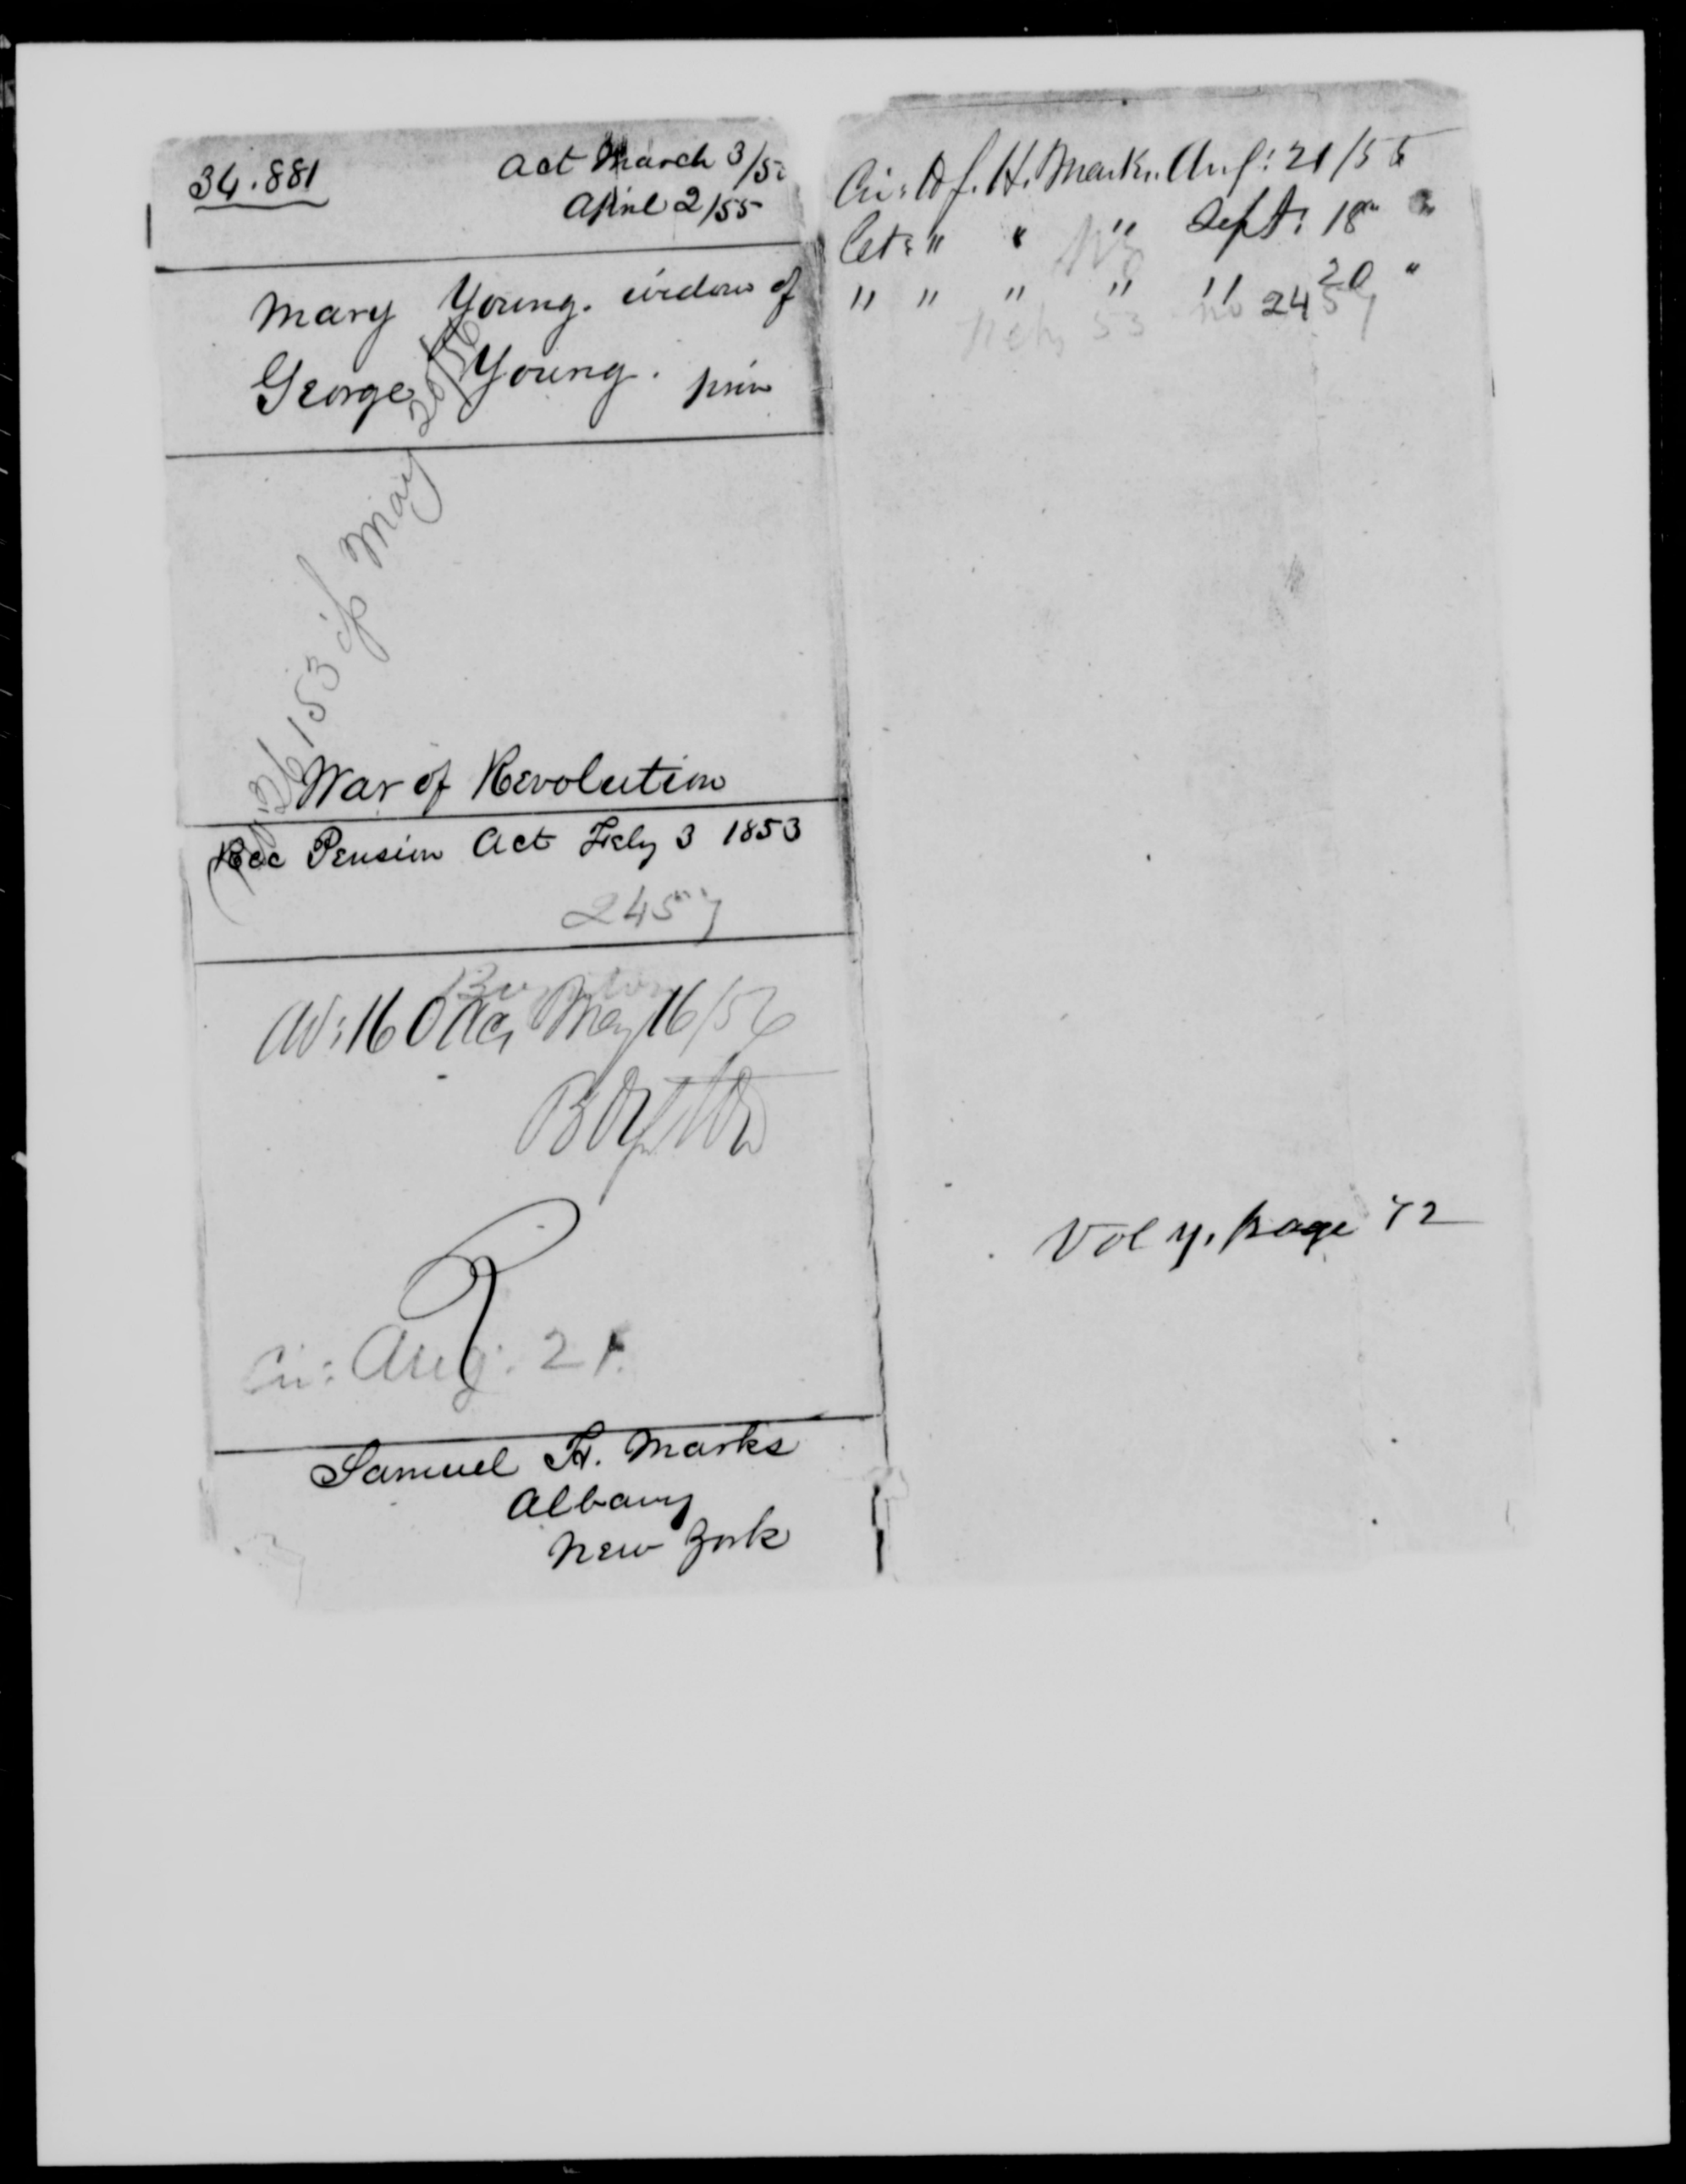24.881
Act March 3 /52
April 2/55
Mary Young, widow of
George Young prin
War of
Revolution
the Pension Act Feby 3 1853
2457
-
16 May 16/56
Borth
and 2
Samuel
F. Marks
Albany
New York
Crist
leten
11 11
L. H. Mark Aug: 21/55 to
11
W
Sept. 18
per 53
2450
Vol y, page 72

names: Boynton, Mary Young, A F H Marks, George Young, Samuel H Marks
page: 9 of 67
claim: widow's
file: W. 7379, George Young, New Jersey